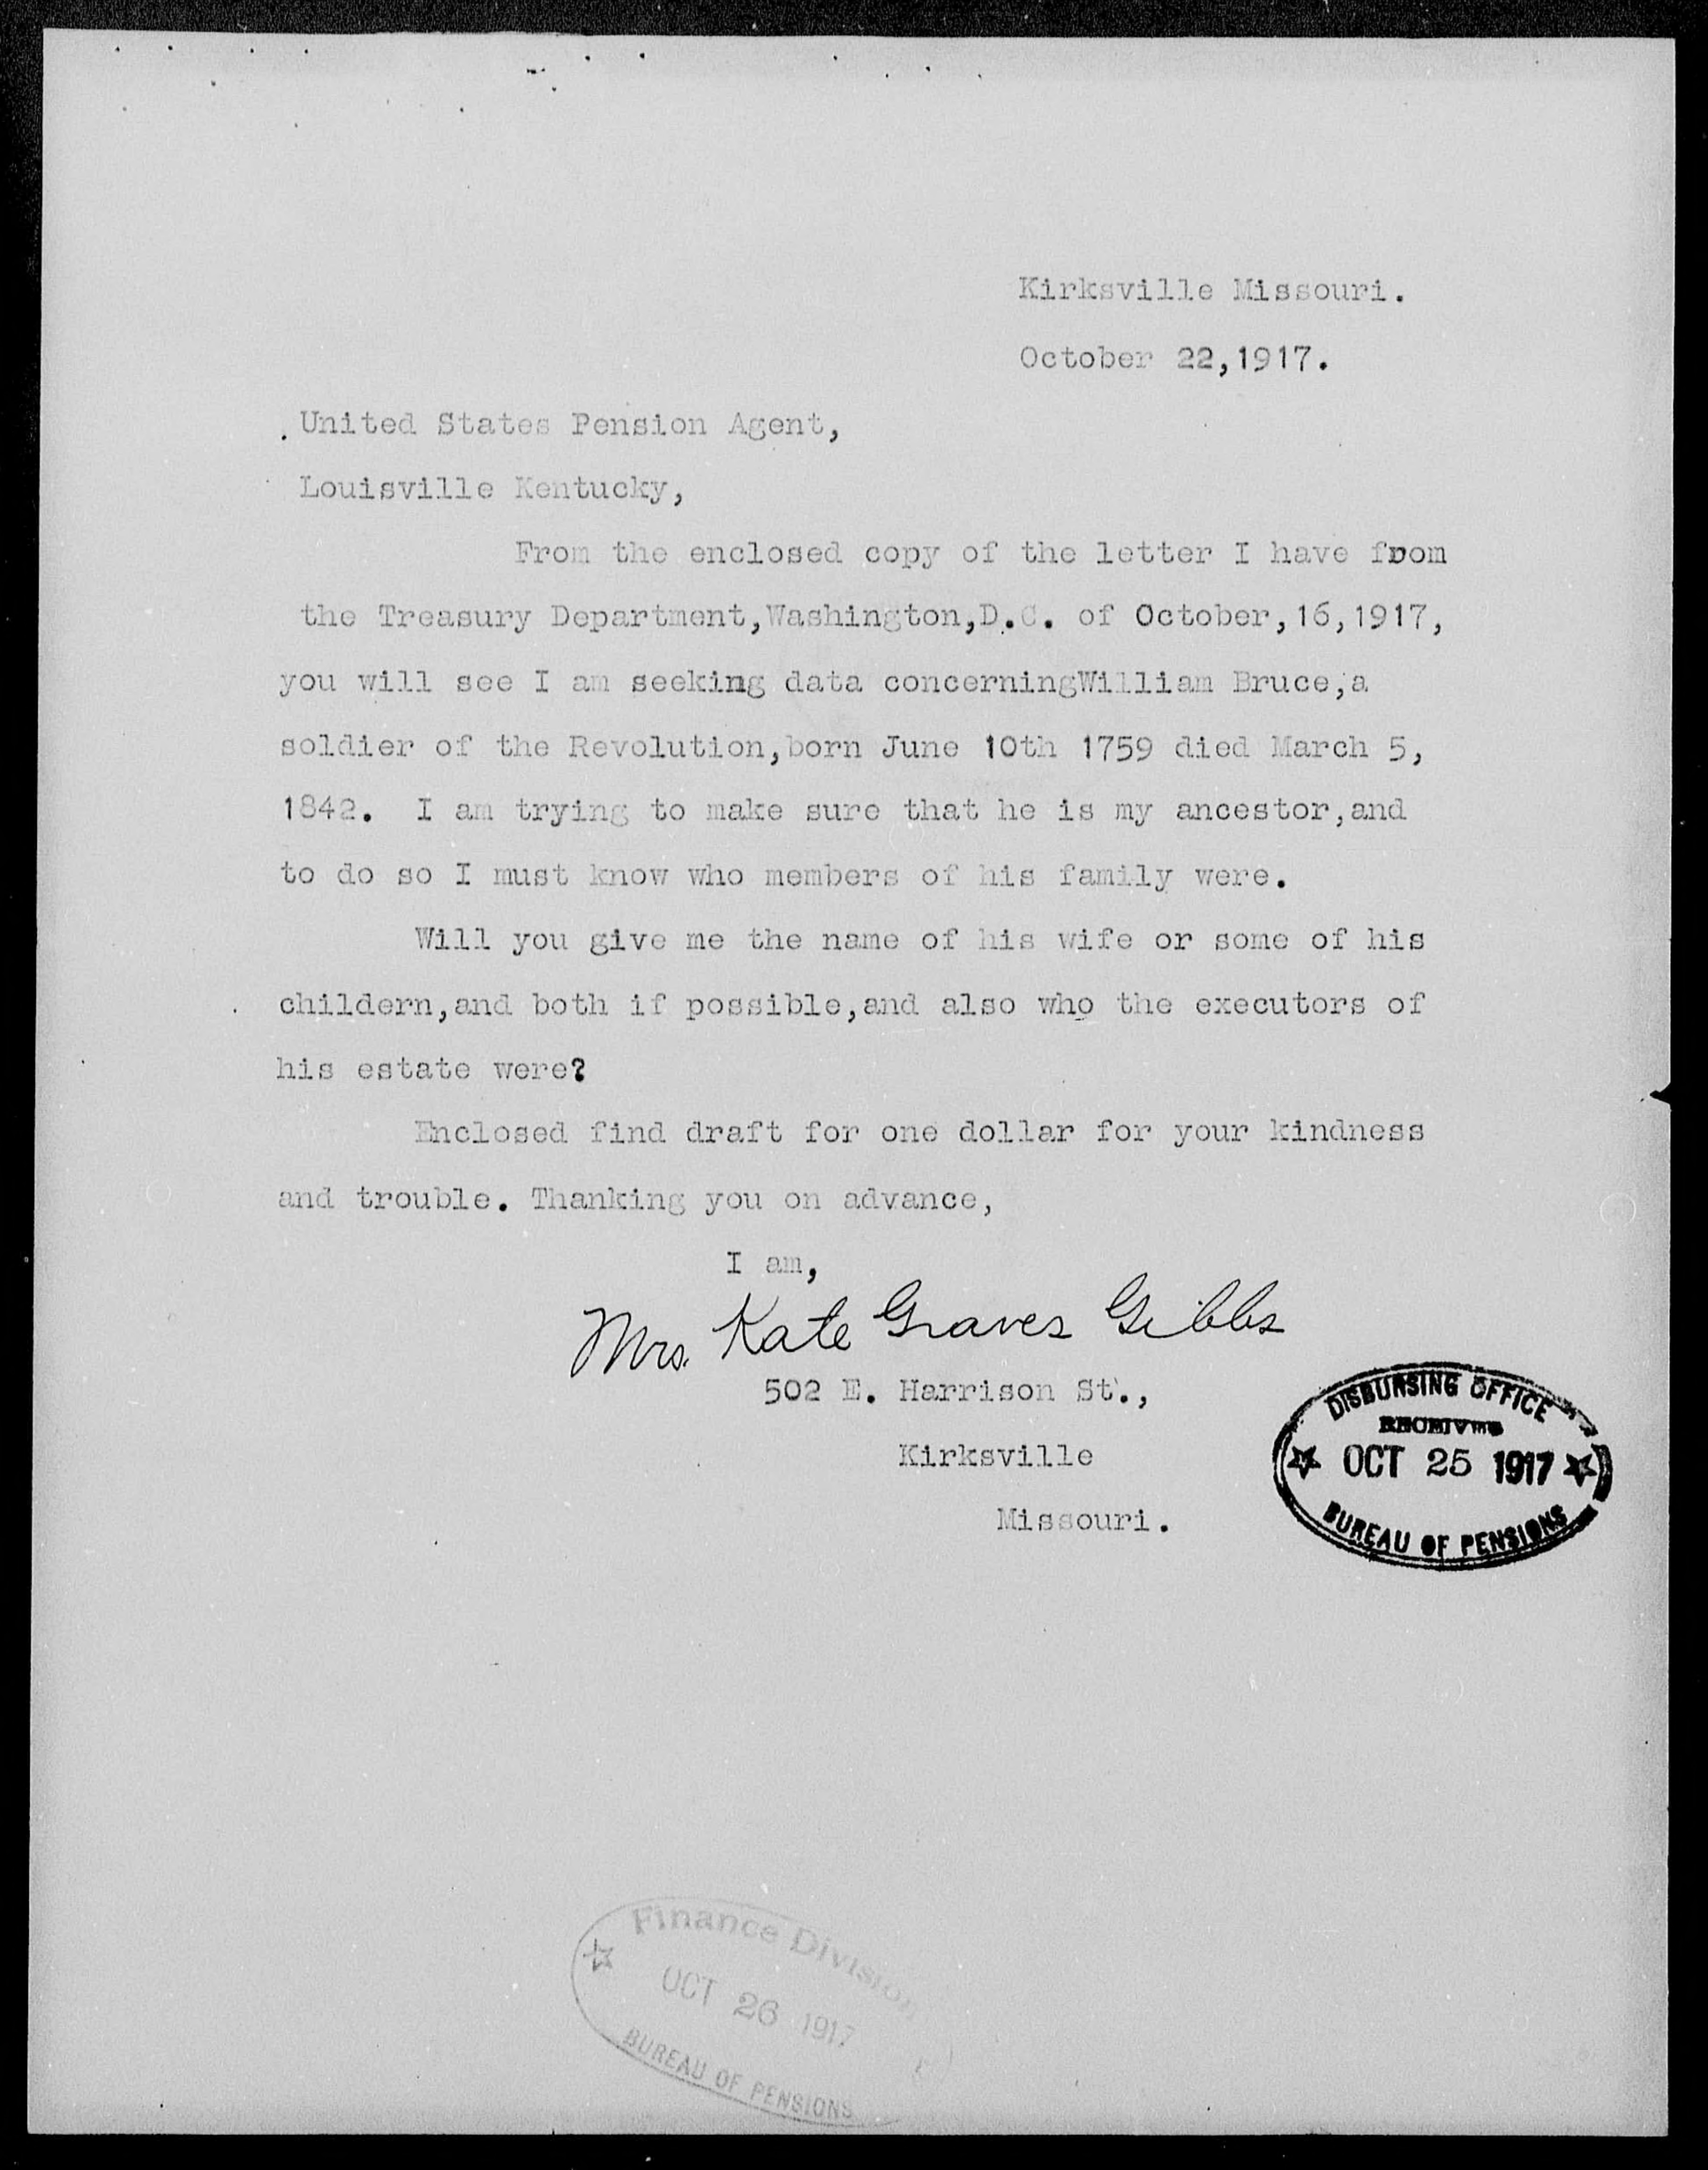[typed form]

Kirksville Missouri. 
October 22, 1917. 

United States Pension Agent, 
Louisville Kentucky, 

From the enclosed copy of the letter I have from the Treasury Department, Washington, D.C. of October, 16, 1917, you will see I am seeking data concerning William Bruce, a soldier of the Revolution, born June 10th 1759 died March 5, 1842. I am trying to make sure that he is my ancestor, and to do so I must know who members of his family were. 

Will you give me the name of his wife or some of his childern [children], and both if possible, and also who the executors of his estate were? 

Enclosed find draft for one dollar for your kindness and trouble. Thanking you on advance, 

I am, 
Mrs. Kate Graves Gibbs
502 E. Harrison St., 
Kirksville Missouri. 

[oval stamp] DISBURSING OFFICE RECEIVED *OCT 25 1917* BUREAU OF PENSIONS

[oval stamp] Finance Division OCT. 26 1917 BUREAU OF PENSIONS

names: Kate Graves Gibbs, William Bruce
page: 50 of 54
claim: survivor's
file: S. 30287, William Bruce, N.C.